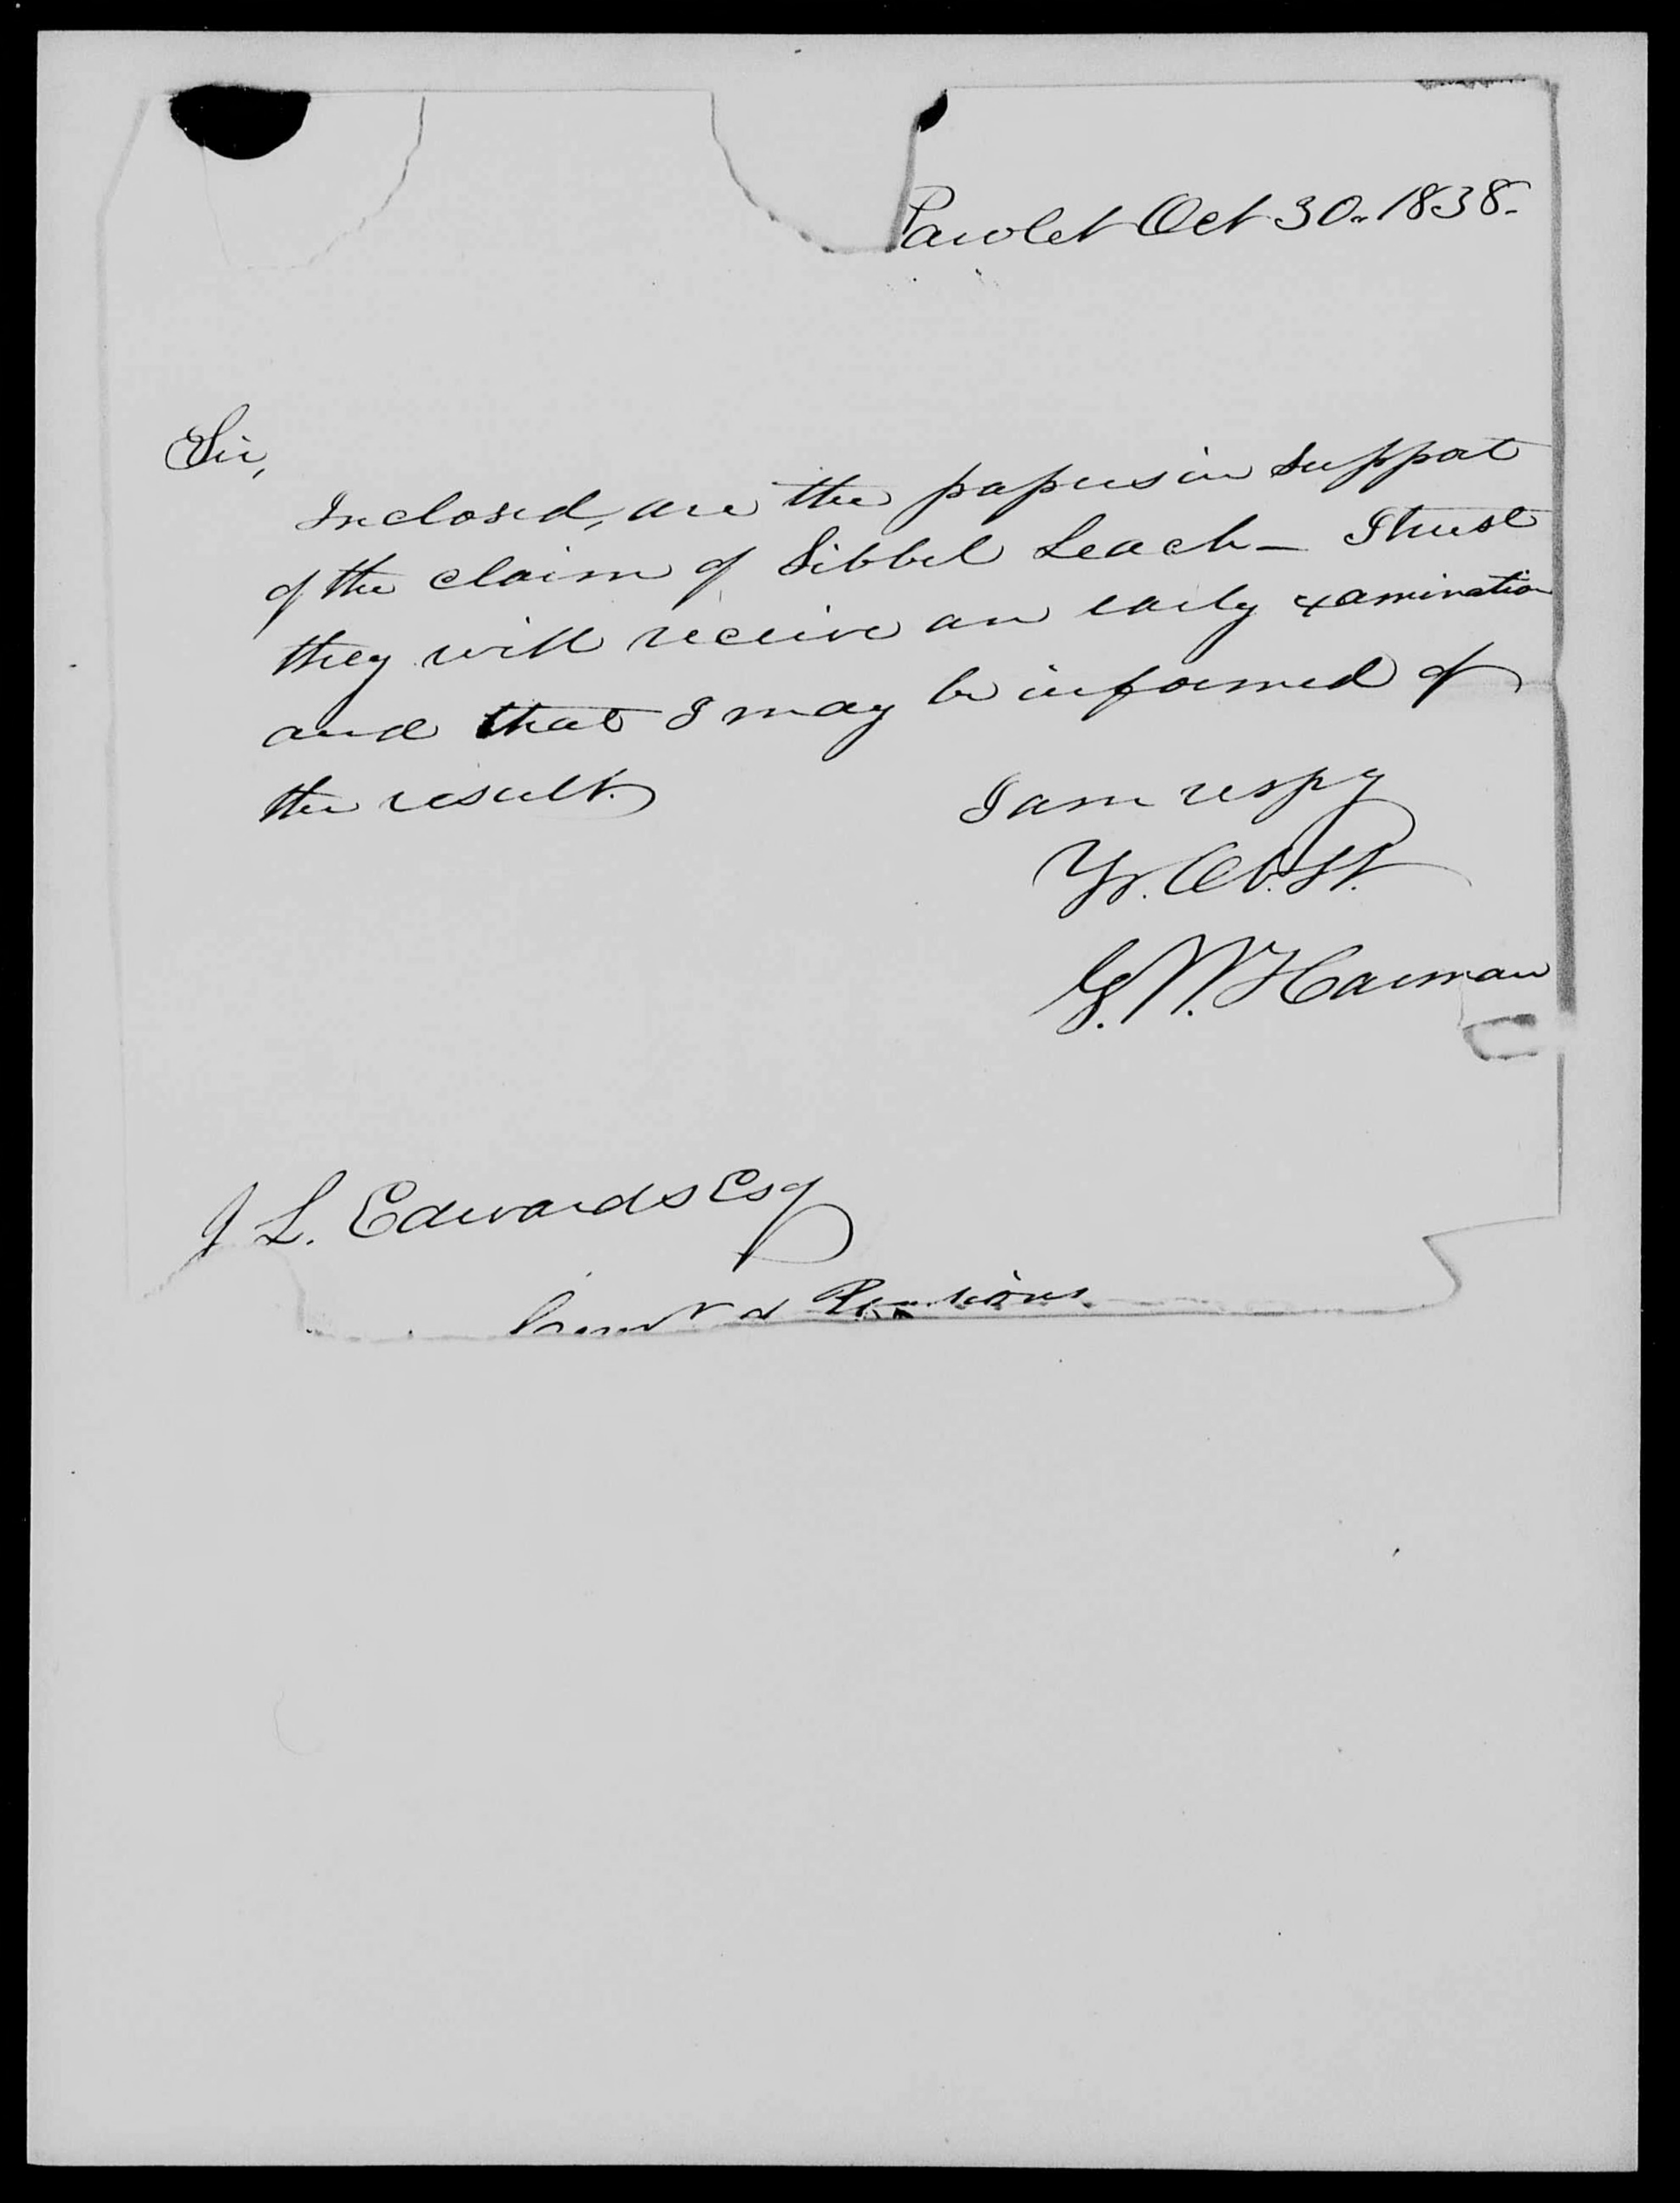Pawlet Oct. 30 1838

Sir,
Inclosed are the papers in support of the claim of Sibbel Leach - Thus they will receive an early examination and that I may be informed of the results.
I am respectfully 
yours,
G W Harmon

J.L. Edwards Esq
[illegible] Pensions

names: G W Harman; Sibbel Leach; J L Edwards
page: 23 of 27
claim: widow's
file: W. 24,500, for James Leach, Connecticut